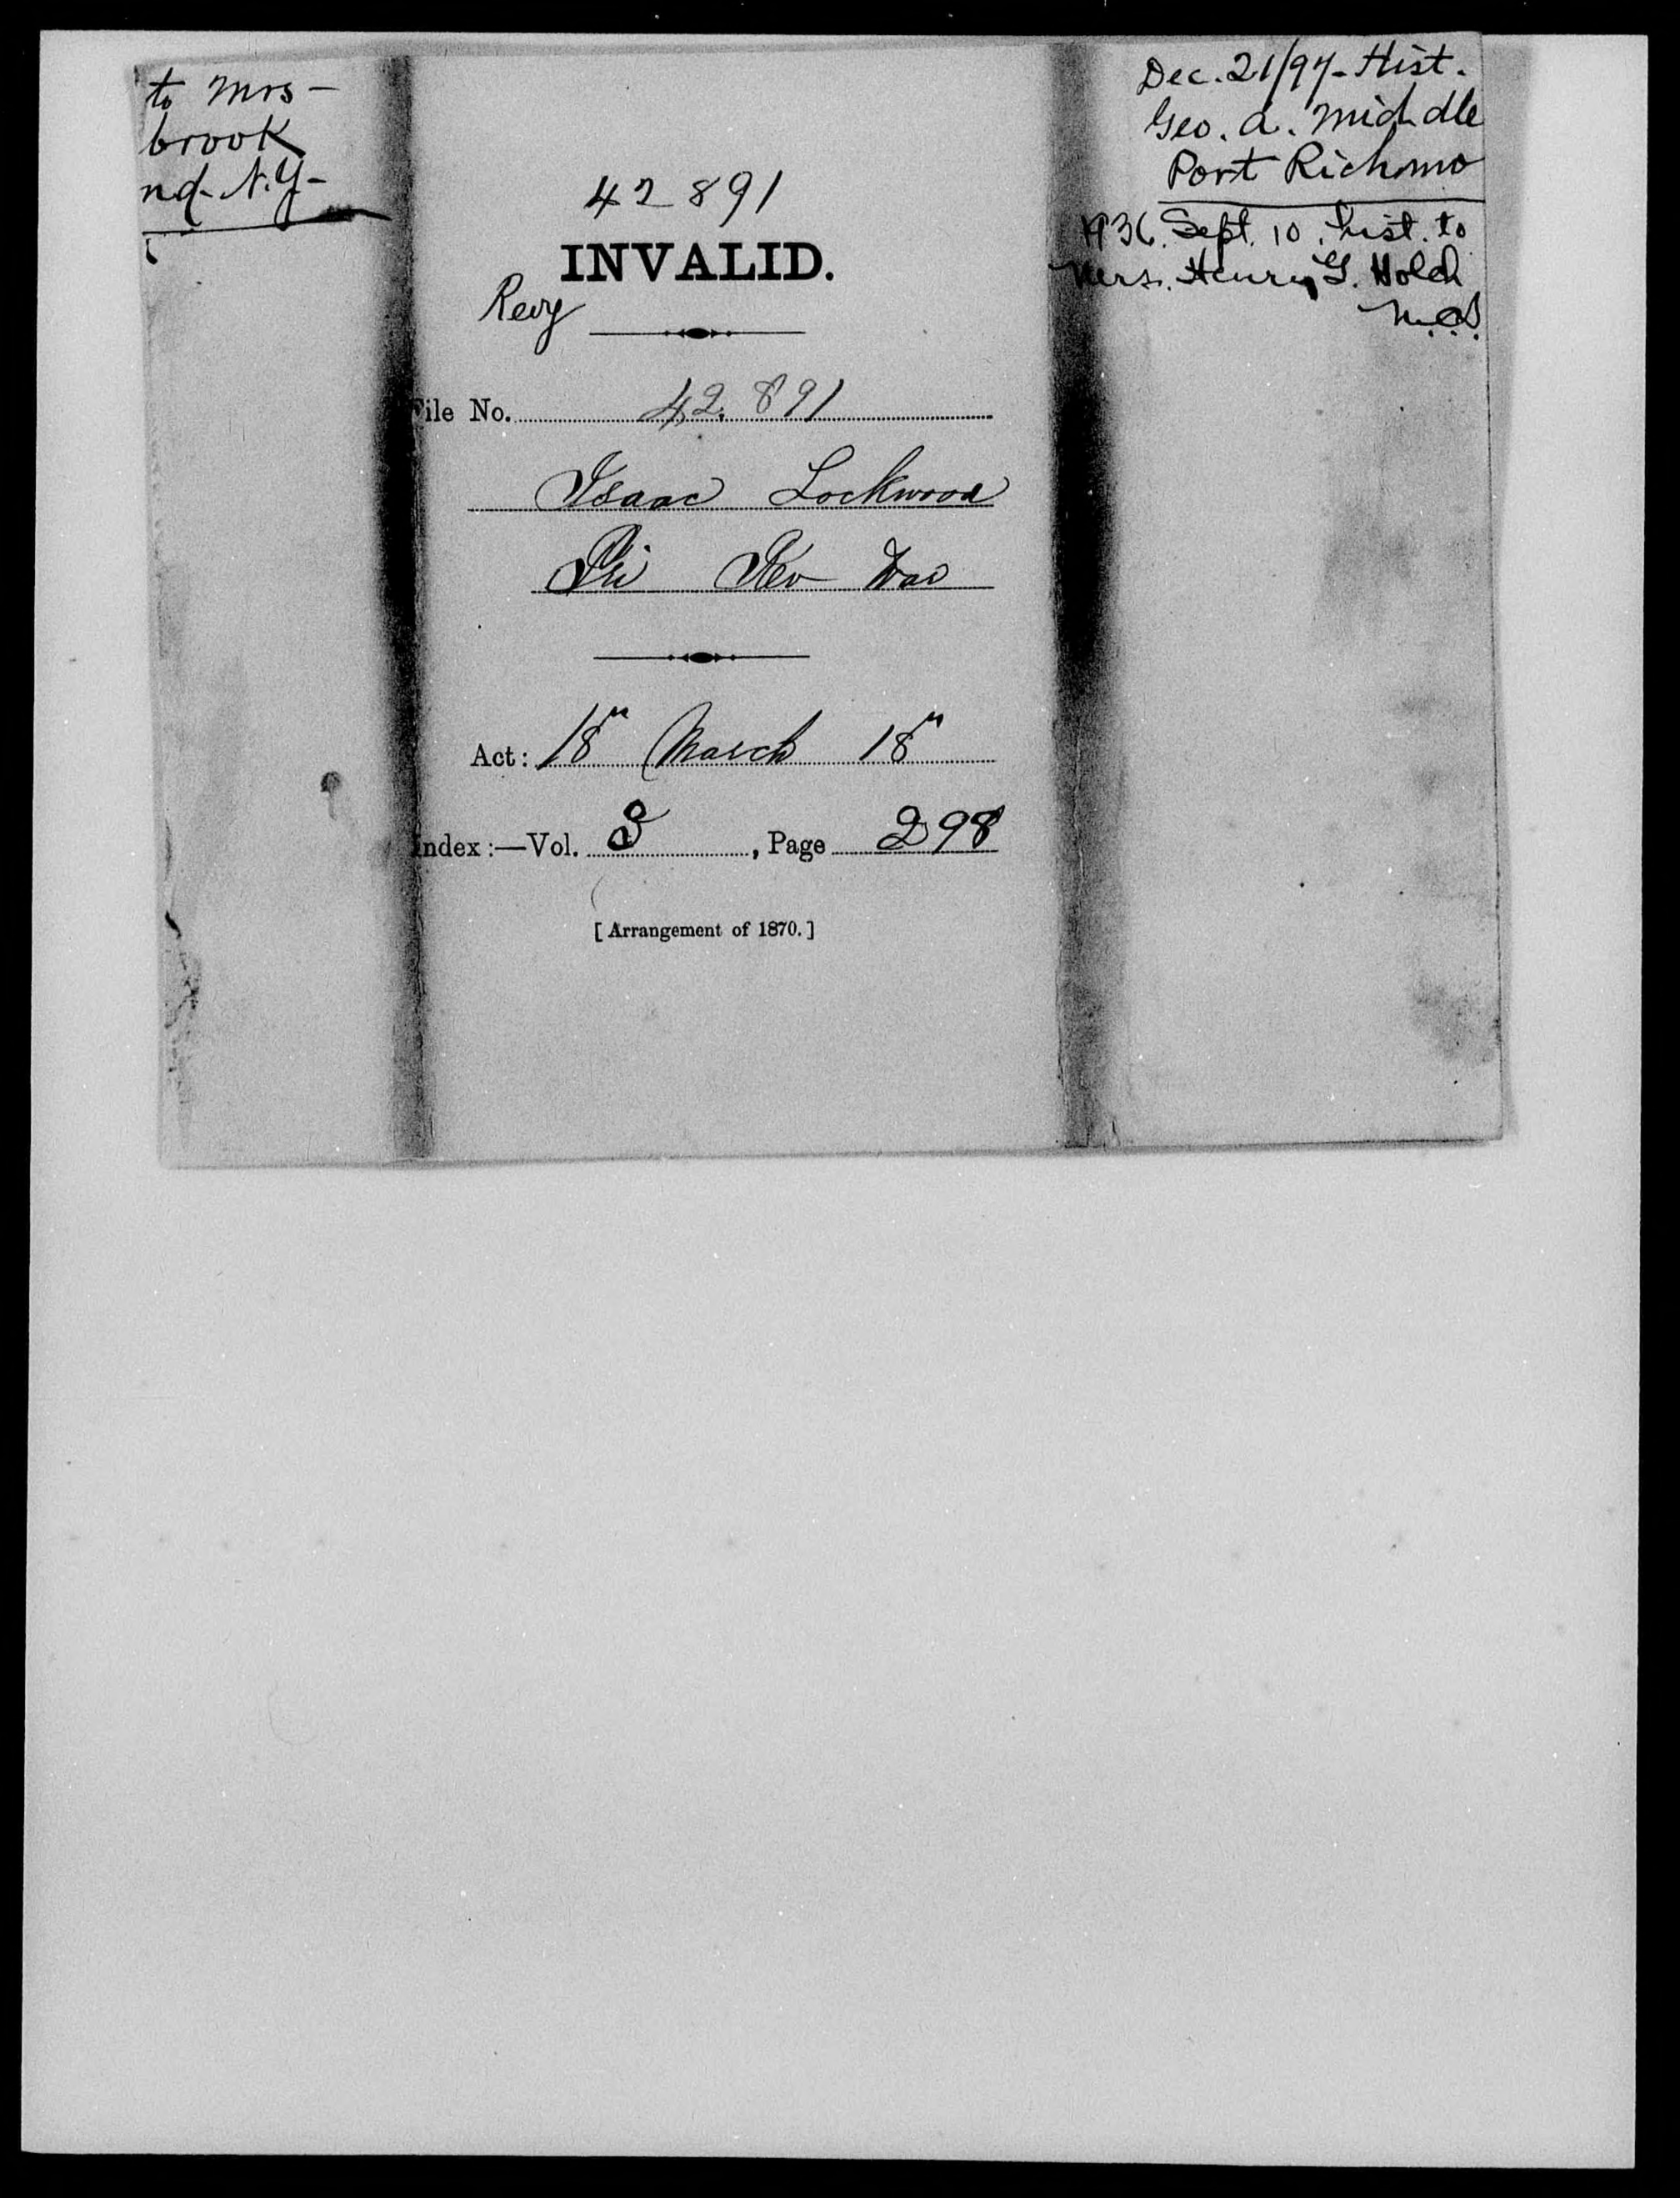[left column incomplete, missing left side]

to Mrs --
brook
nd, N.Y.

[center column]

42891
INVALID.
Revy

File No. 42,891
Isaac Lockwood
Pri Rev War

Act: 18 March 18

index: --  Vol. 3,  Page 298

[Arrangement of 1870.]

[right hand column]

Dec. 21/97. Hist. Geo. A. Middle
Port Richmo

1936. Sept. 10, hist to Mrs. Henry G. Holch
?MaS?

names: Geo A Middlebrook; Isaac Lockwood; Henry G Holch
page: 17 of 23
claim: survivor's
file: S 42891, for Isaac Lockwood, New York